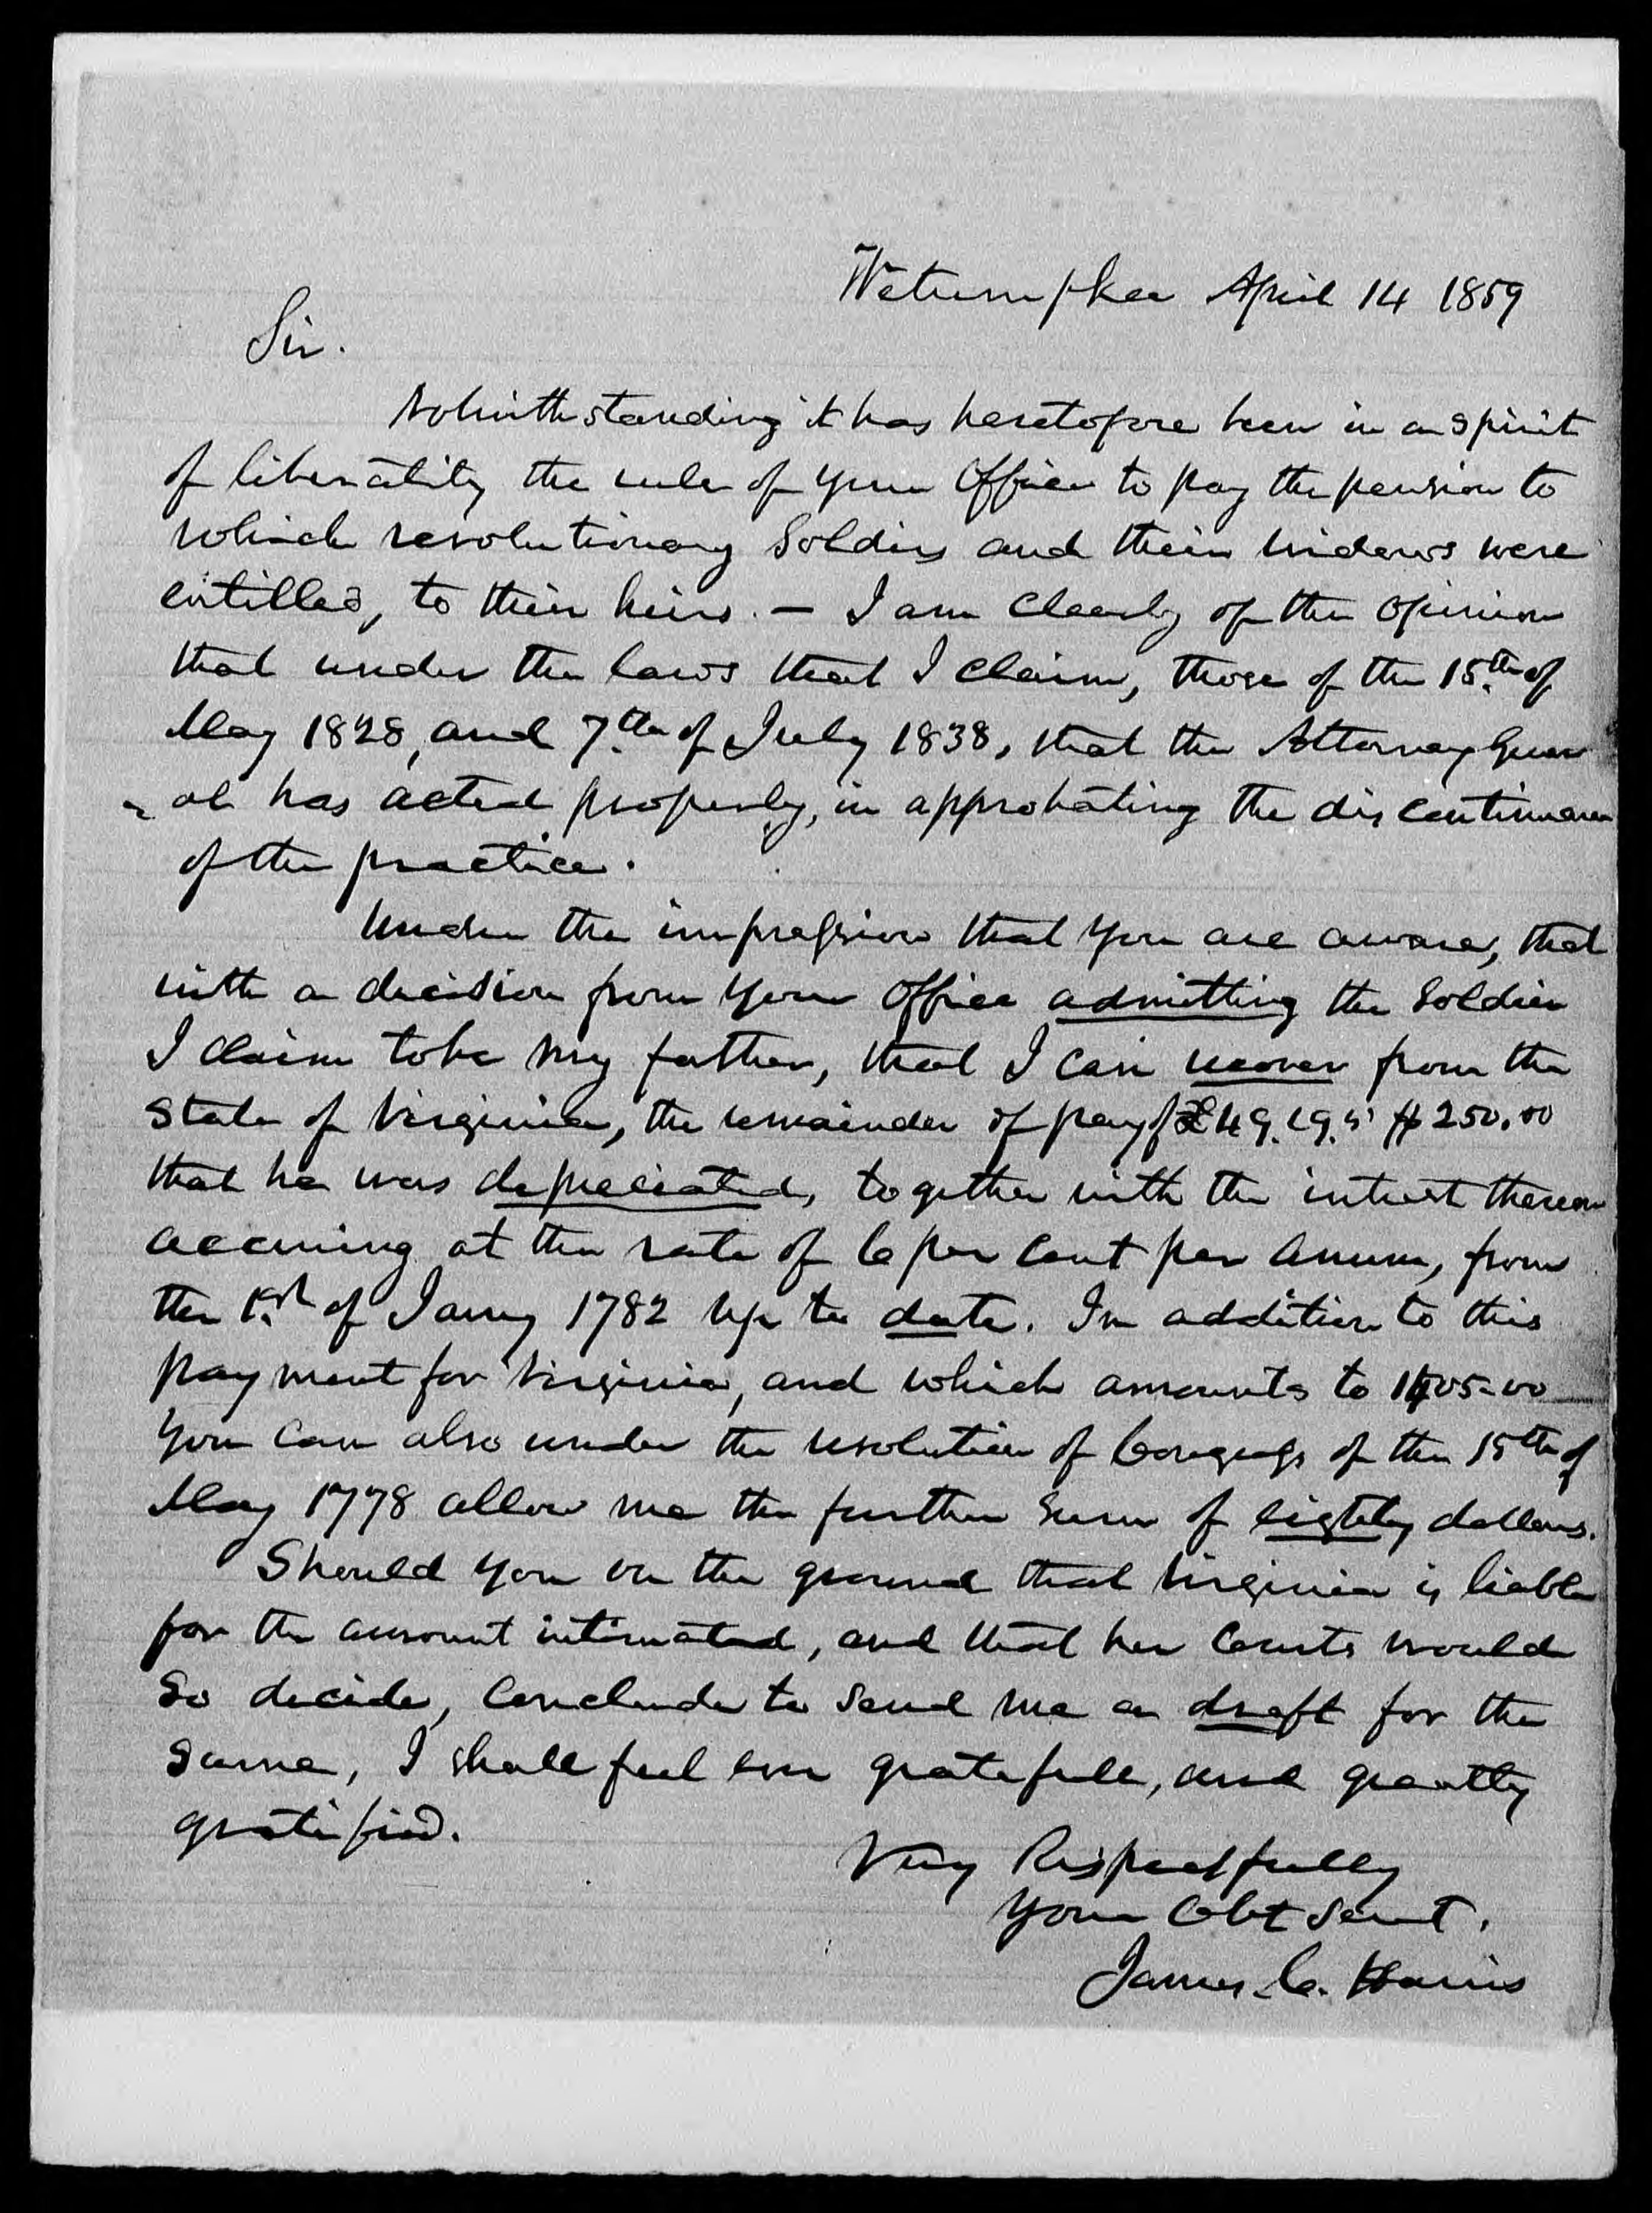Wetumpka April 14, 1859

Sir,
Notwithstanding it has heretofore been in a spirit of liberality the rule of your office to pay the pension to which revolutionary Soldiers and their widows were entitled, to their heirs--I am clearly of the opinion that under the laws that I claim, those of the 15th of May 1828 and 7th of July 1838, that the Attorney General has acted properly in approbating the discontinuation of the practice.
Under the impression that you are aware, that with a decision from your office admitting the Soldier I claim to be my father, that I can recover from the State of Virginia, the remainder of pay of [pound sterling]49.19.5 $250.00 that he was depreciated, together with the interest thereon accruing at the rate of 6 per cent per annum, from the 1st of Jany 1782 up to date.  In addition to this payment for Virginia, and which amounts to 1405.00 you can also under the resolution of Congress of the 15th of May 1778 allow me the further sum of eighty dollars.
Should you on the ground that Virginia is liable for the amount intimated, and that her courts would so decide, conclude to send me a draft for the same.  I shall feel ever grateful, and greatly gratified.
Very Respectfully
Your Obt Servt
James C. Harris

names: James C Harris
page: 159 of 160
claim: rejected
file: R. 4666, James Harris, Va.